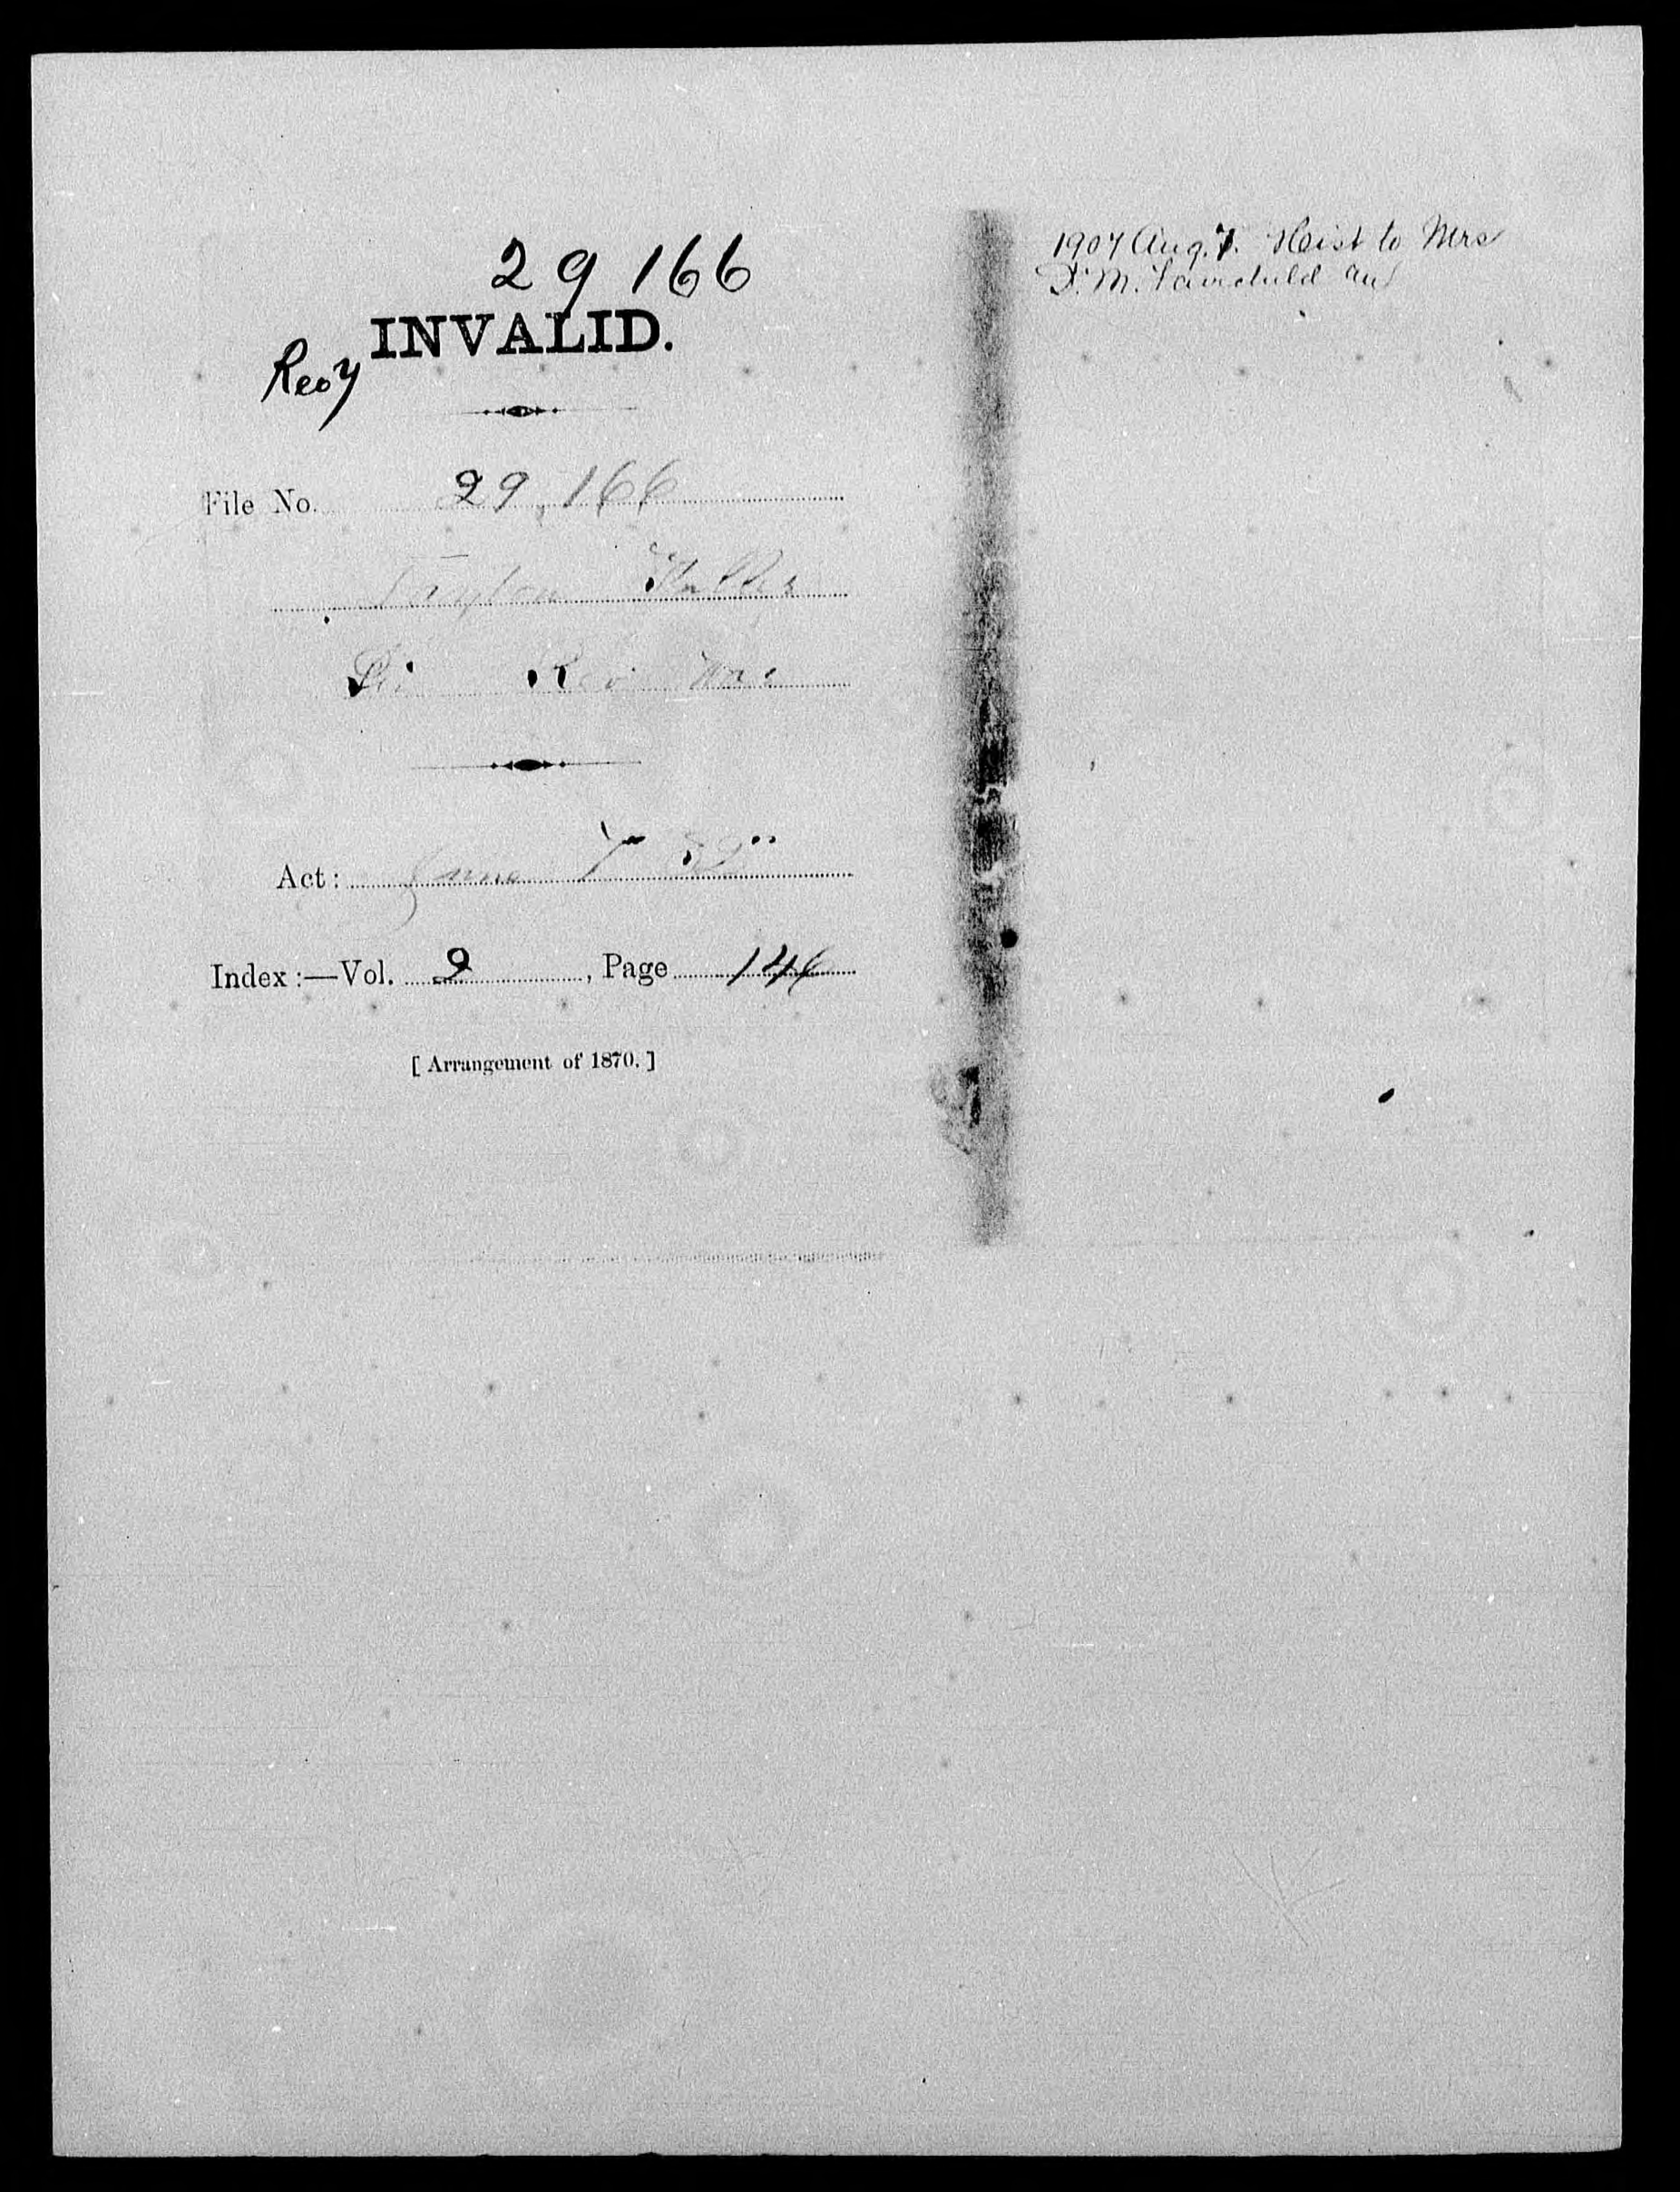29166
INVALID.
Revy
File No. 29,166
Dayton Fuller
[illegible] Rev War
Act: June 7th [illegible]
Index:- Vol. 2, Page 146
[Arrangement of 1870.]
1907 Aug. 7. Hist to Mrs D. M. Fairchild [illegible]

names: Dayton Fuller, D M Fairchild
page: 12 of 15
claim: survivor's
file: S. 29,166, Dayton Fuller, Conn.